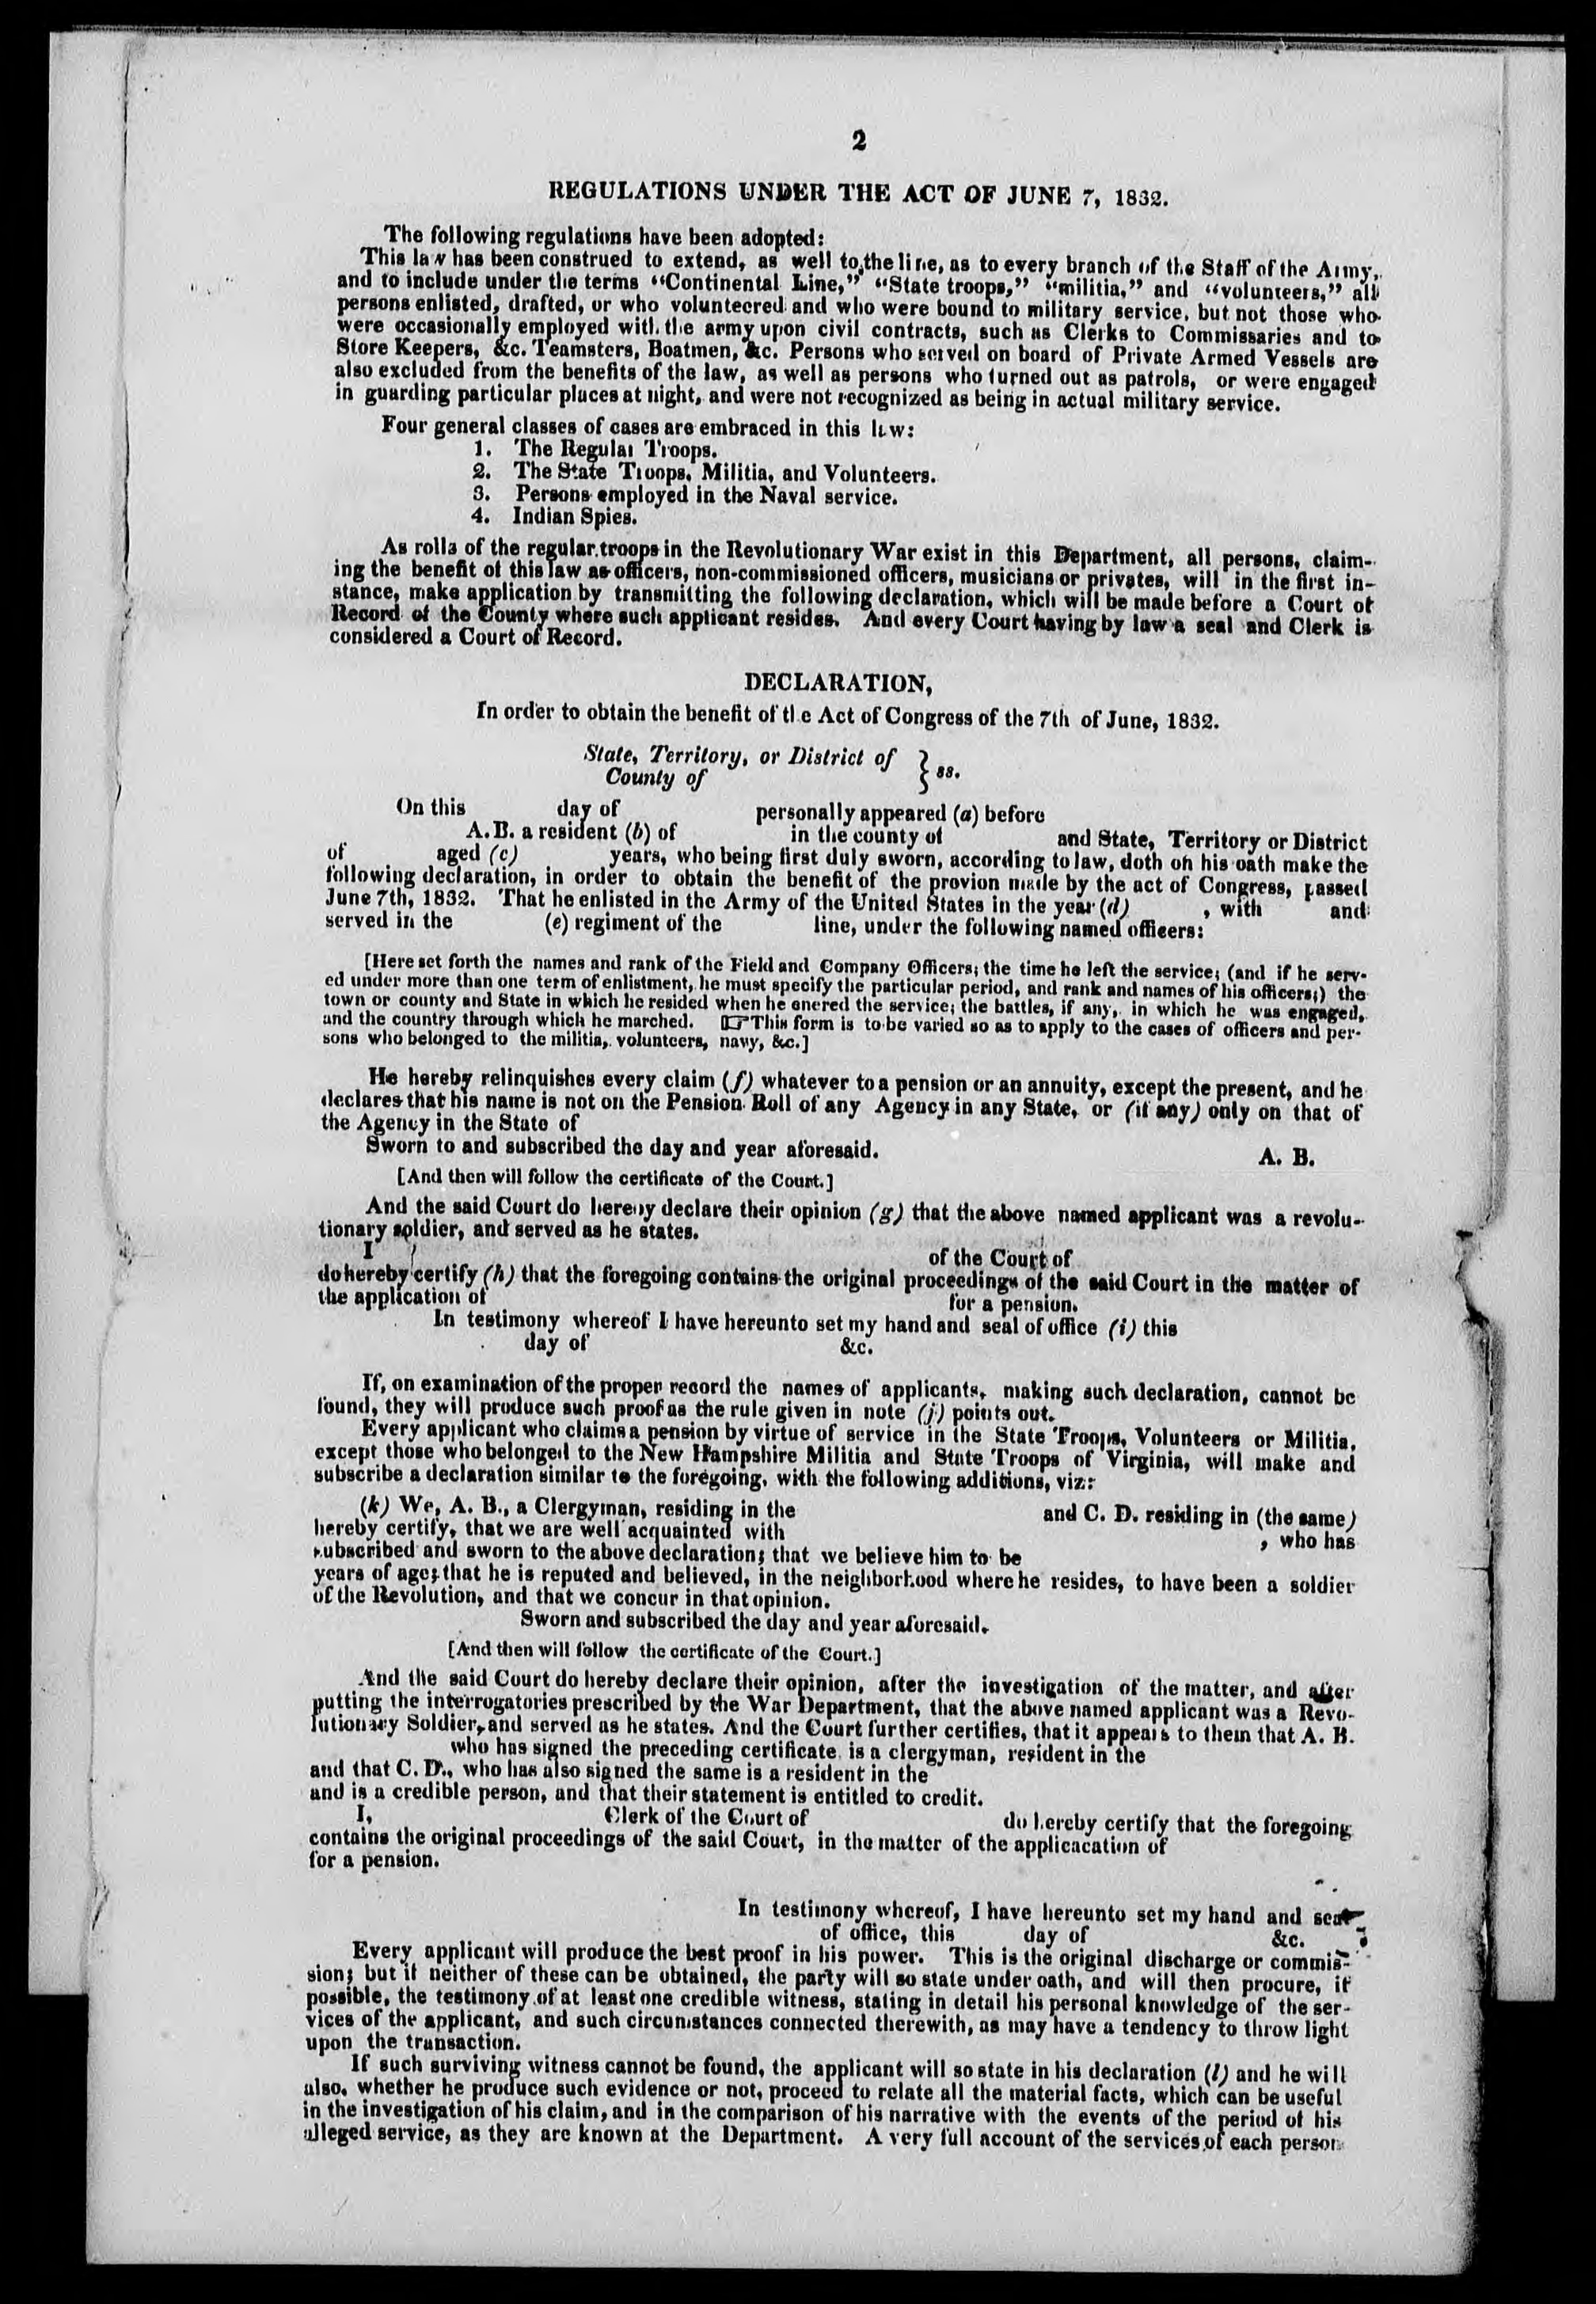[Page 1] 

Regulations Under the Act of June 7, 1832.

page: 18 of 22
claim: survivor's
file: S. 15,517, for Joseph Meeker, Connecticut